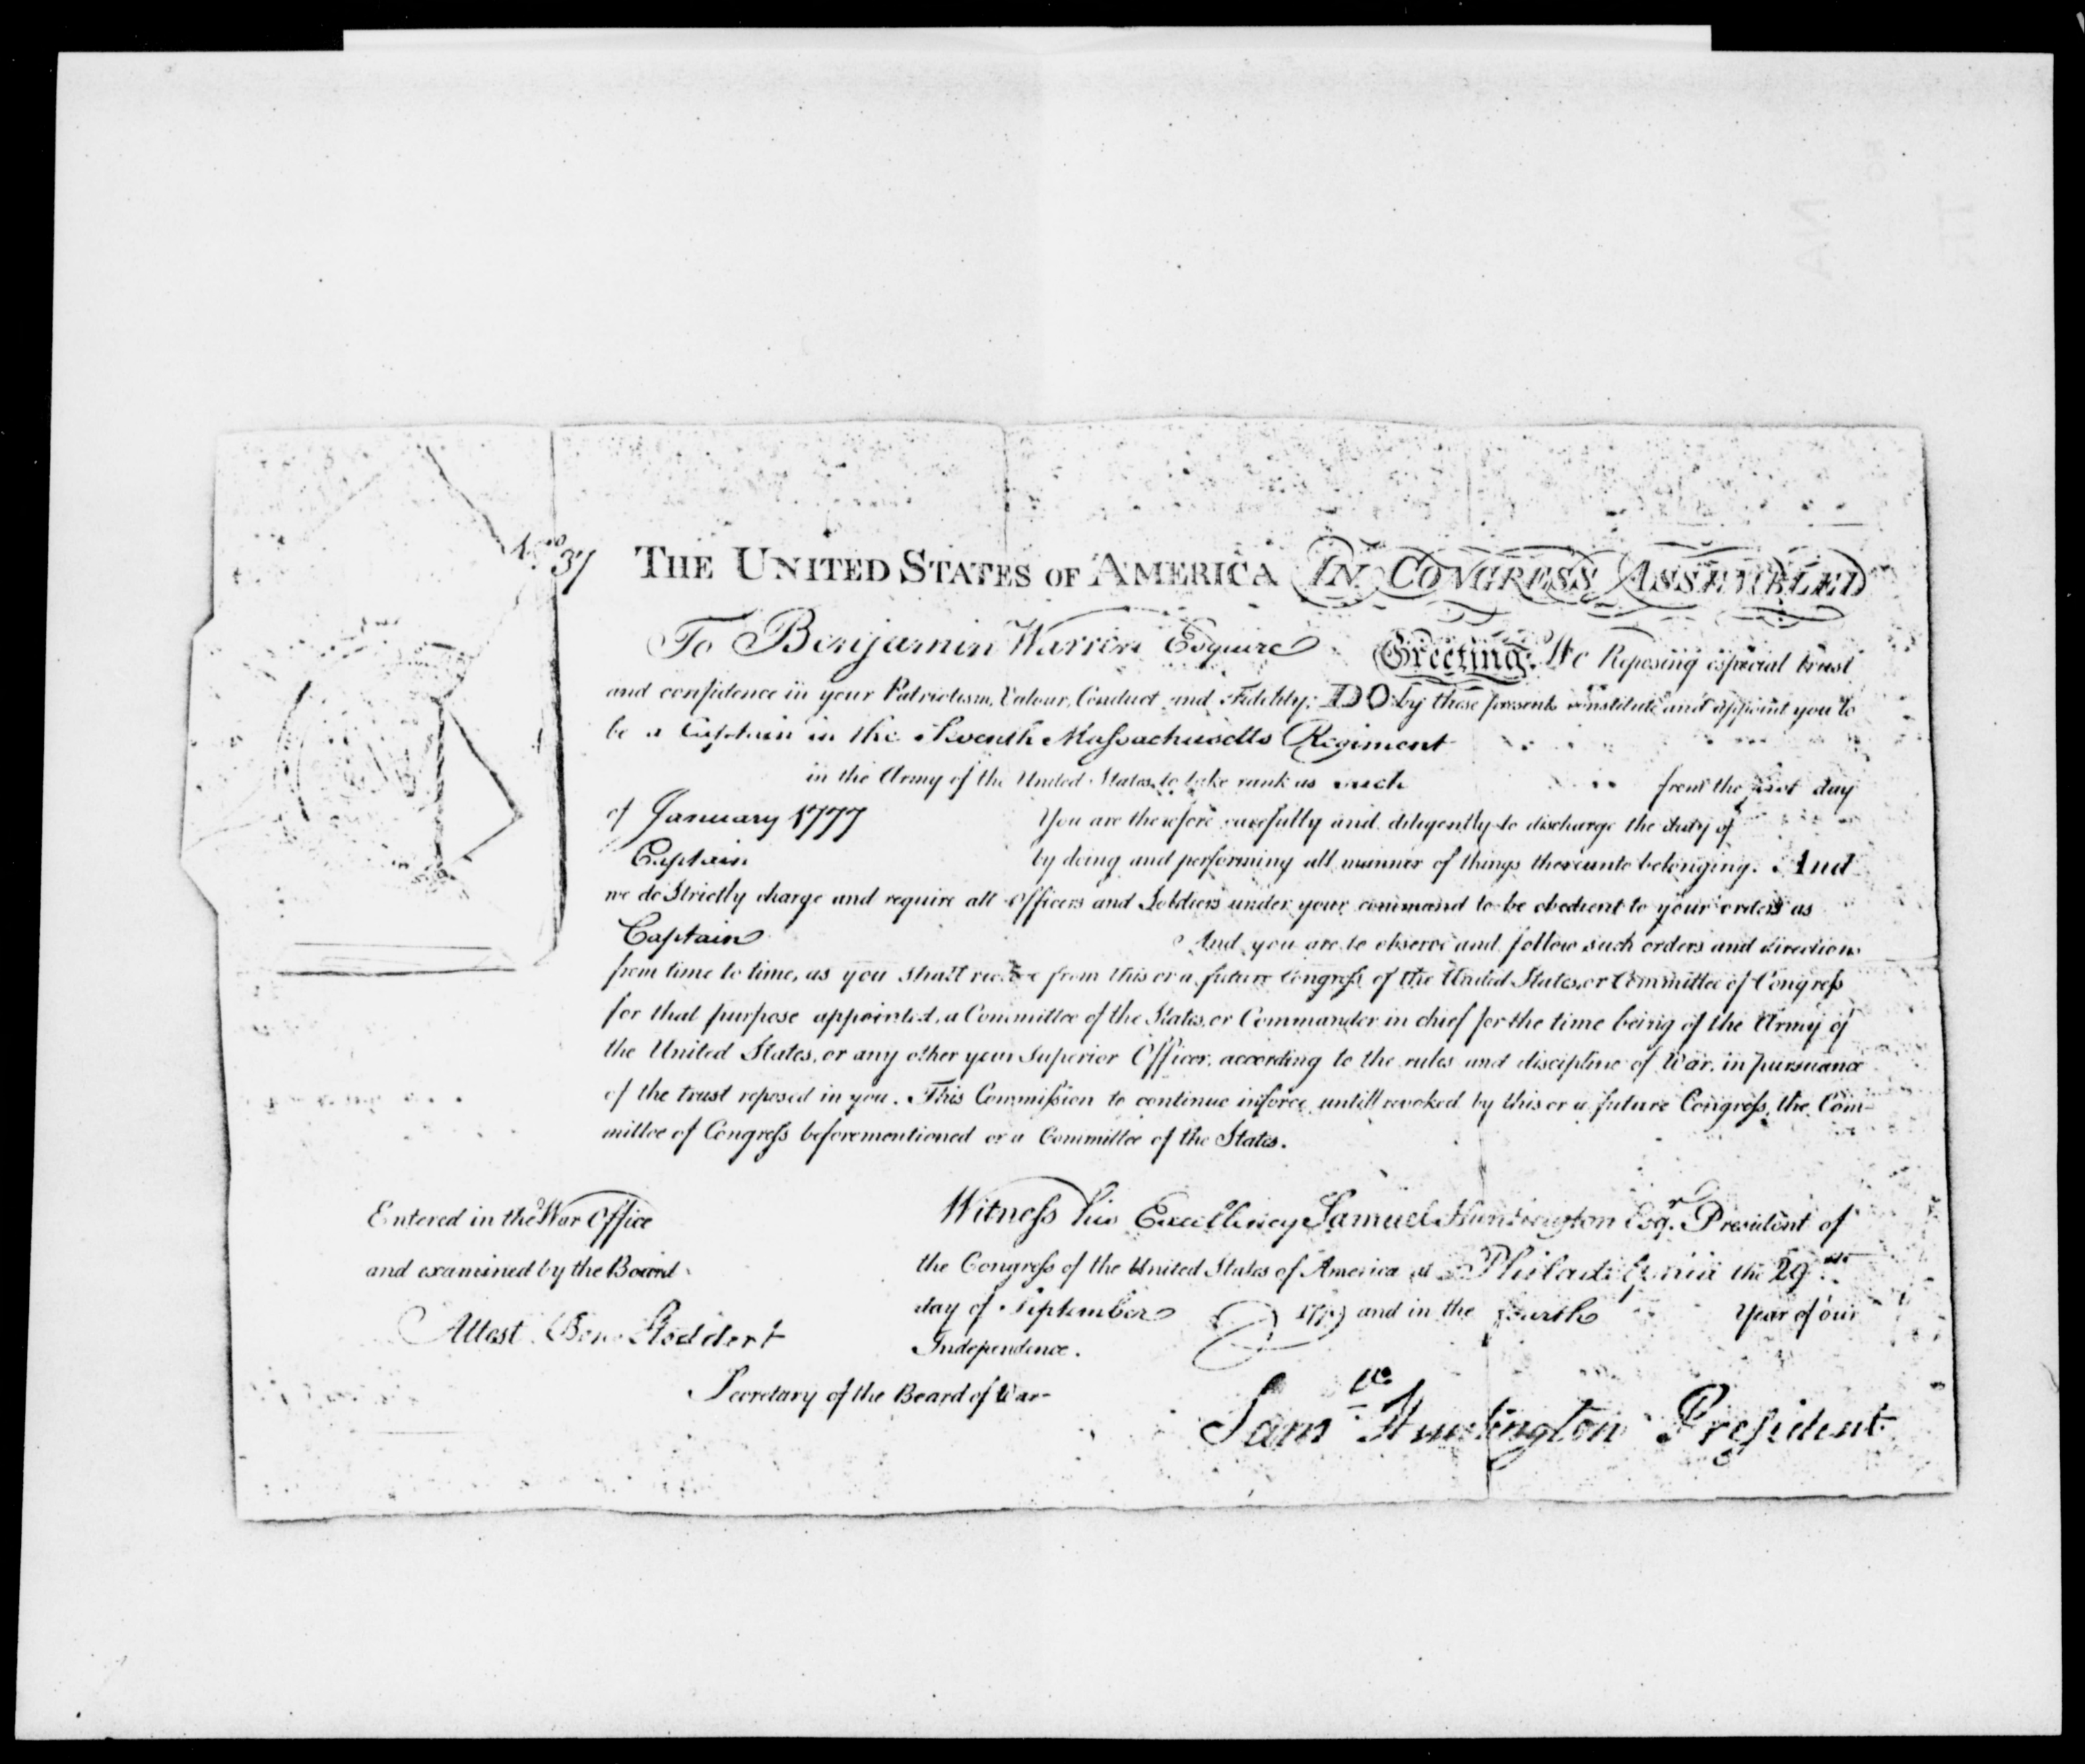(seal)
The United States of America in Congress Assembled
To Benjamin Warren Esquire Greeting, We reposing special trust and confidence in your Patriotism, Valour, Conduct and Fidelity Do by these presents constitute and appoint you to be a Captain in the Twelfth Massachusetts Regiment in the Army of the United States to take rank as such from the first day of January 1777. You are therefore carefully and diligently to discharge the duty of Captain by doing and performing all manner of things thereunto belonging. And we strictly charge and require all Officers and Soldiers under your command to be obedient to your orders as Captain. And you are to observe and follow such orders and directions from time to time, as you shall receive from this or a future congress of the United States or Committee of Congress for that purpose appointed, a Committee of the States or Commander in chief for the time being of the Army of this United States, or any other your Superior Officers according to the rules and discipline of War in pursuance of the trust reposed in you. this Commission to continue in force untill revoked by this or a future Congress the Committee of Congress before mentioned or a Committee of the States.
Witness his Excellency Samuel Huntington Esqr. President of the Congress of the United States of America at Philadelphia this 29th day of September 1779 and in the fourth year of our Independence.
Saml. Huntington, President

Entered in the War Office and examined by the Board
Attest Ben. Goddert
Secretary of the Board of War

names: Samuel Huntington, Samel Huntington, Benjamin Warren, Ben Goddert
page: 14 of 16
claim: survivor's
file: S. 33229, Benjamin Warren, Mass.